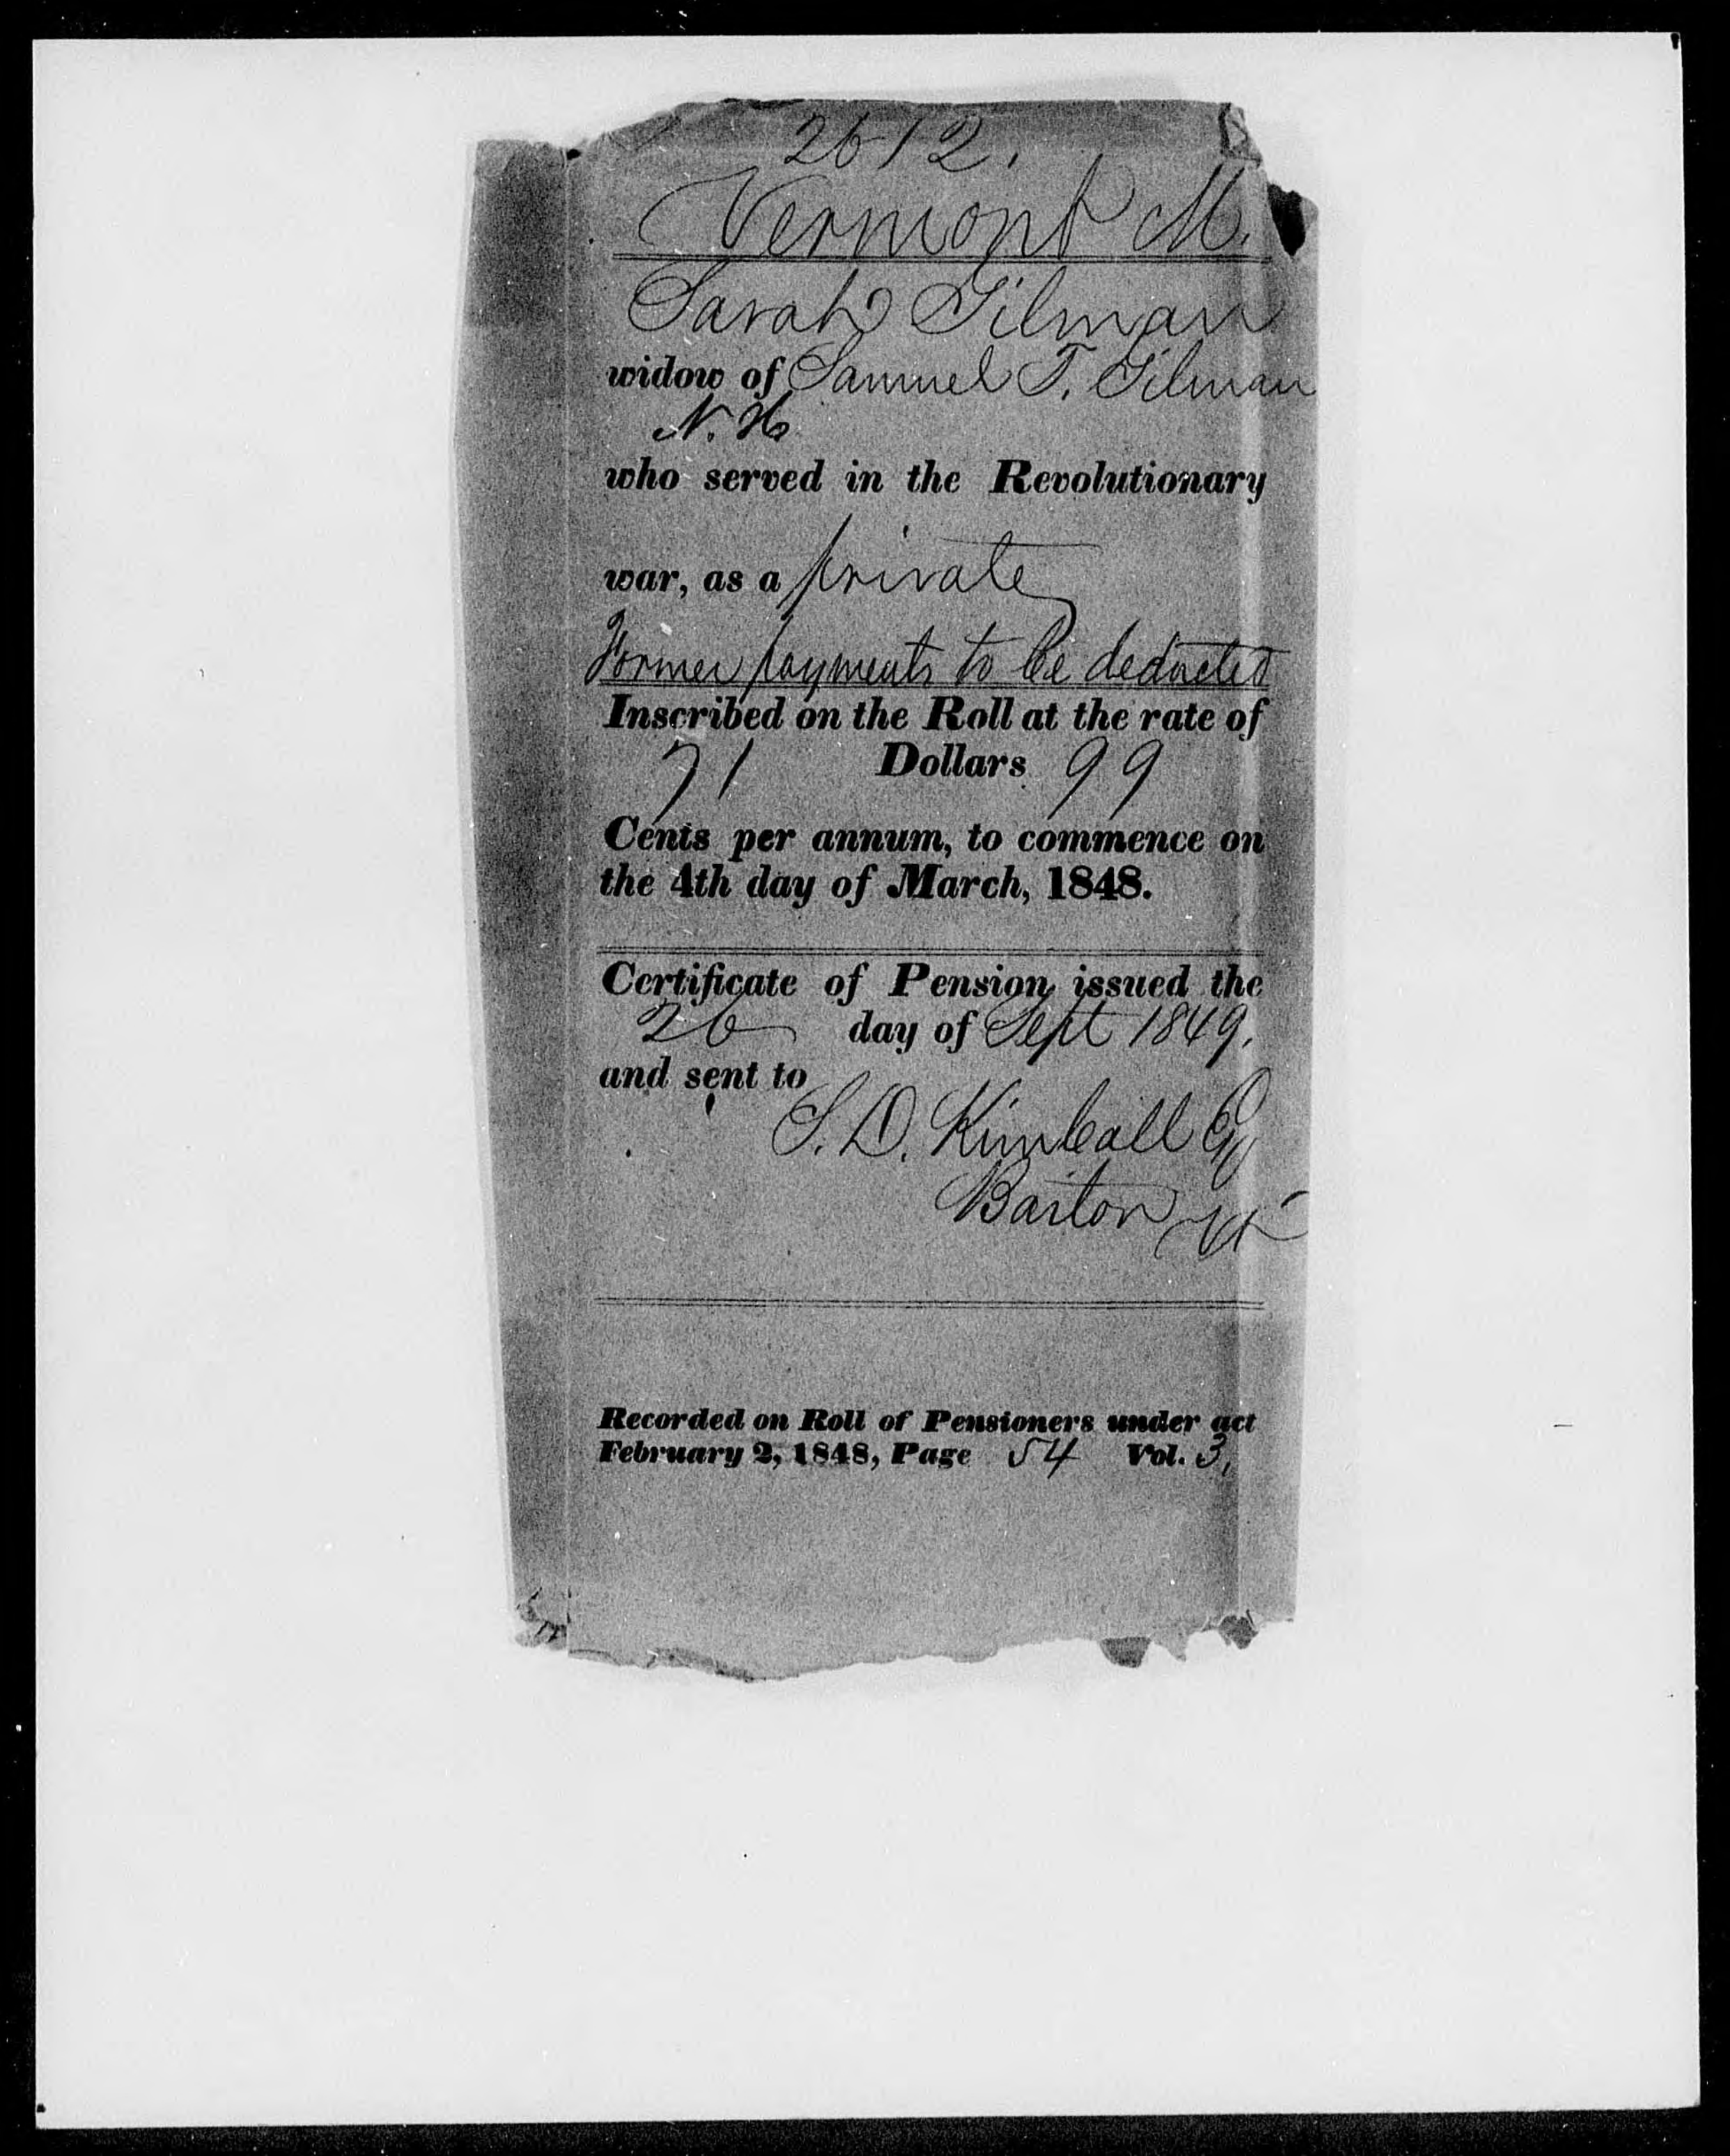2612
Vermont M
=====
Sarah Gilman
widow of Samuel T. Gilman
N.H.
who served in the Revolutionary
war, as a private,
Former payments to be deducted
=====
Inscribed on the Roll at the rate of
71 Dollars 99
Cents per annum, to commence on
the 4th day of March, 1848.
=====
Certificate of Pension issued by
26 day of Sept. 1849,
and sent to S. D. Kimball Esq.
Barton Vt.
=====
Recorded on Roll of Pensioners under act
February 2, 1848, Page 54 Vol. 3.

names: Sarah Gilman, Samuel T Gilman, S D Kimball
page: 3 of 61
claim: widow's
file: W. 19500, Samuel Thing Gilman, Continental N.H.